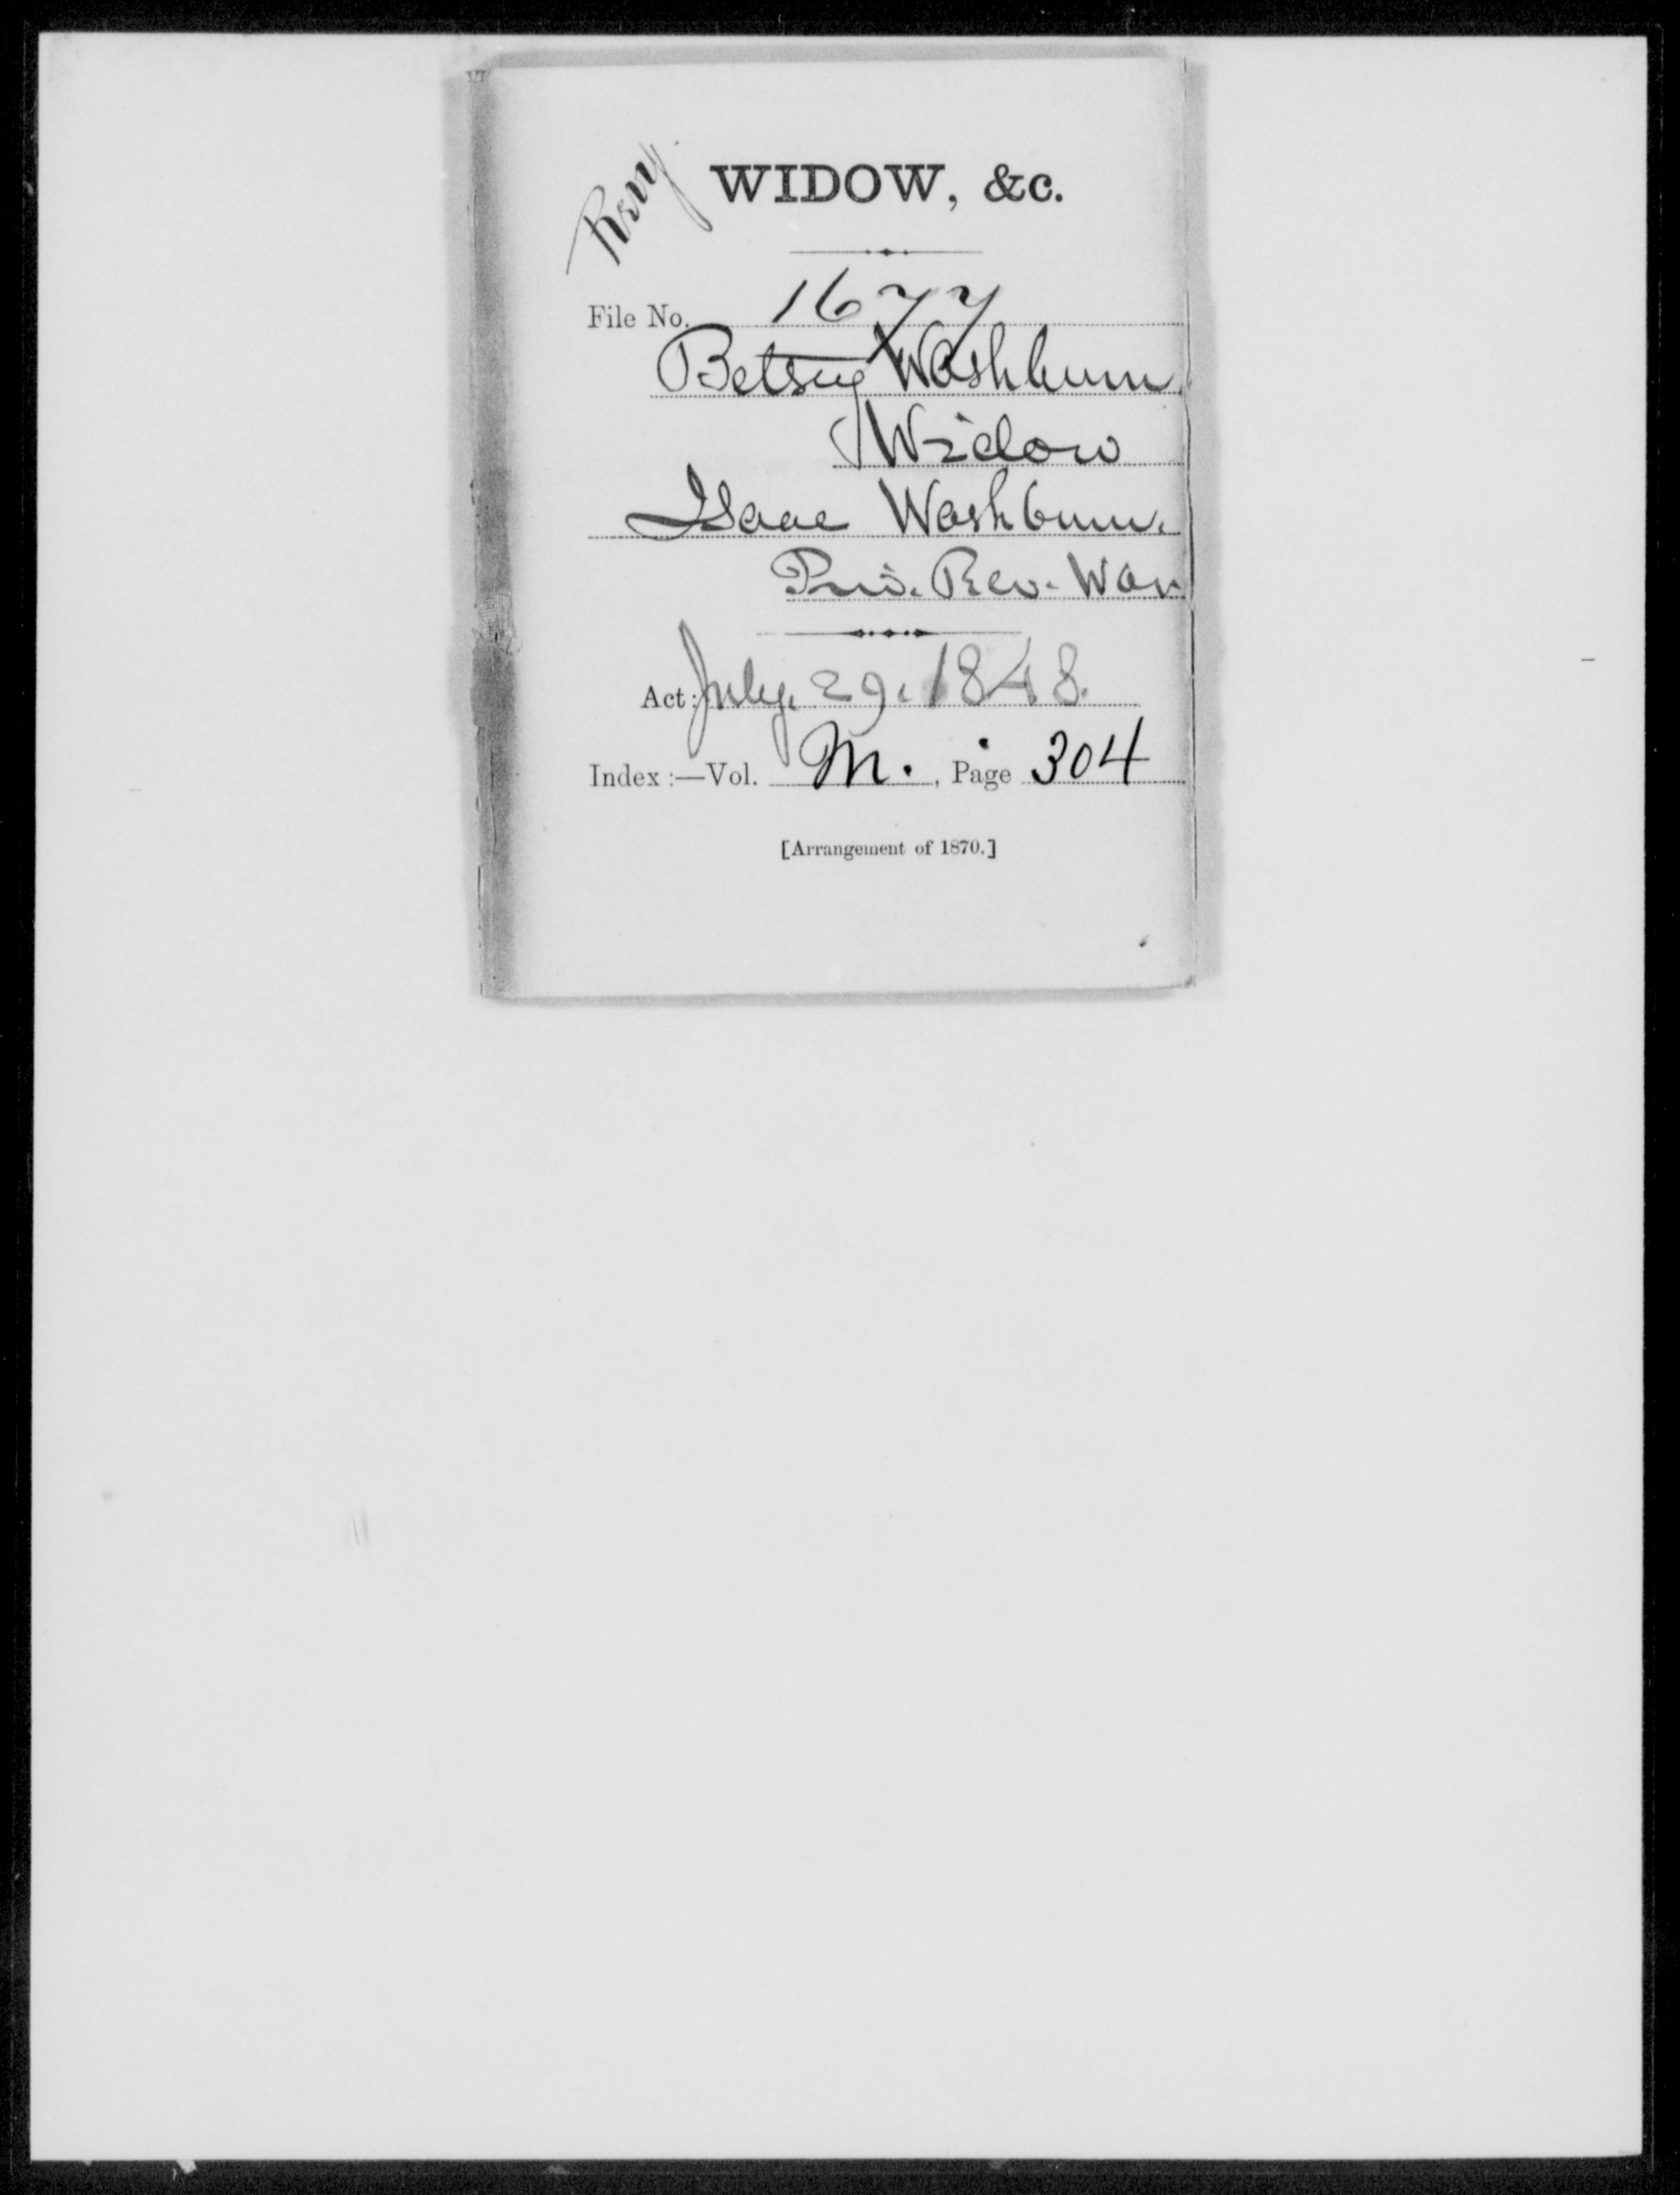Revy

WIDOW, &c.

File No. 1677
  Betsey Washburn
  Widow
Isaac Washburn
 Priv. Rev. War

Act: July 29, 1848.

Index:— Vol. M, Page 304

(Arrangement of 1870.)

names: Betsey Washburn, Isaac Washburn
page: 20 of 34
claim: widow's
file: W. 1677, Isaac Washburn, Mass.